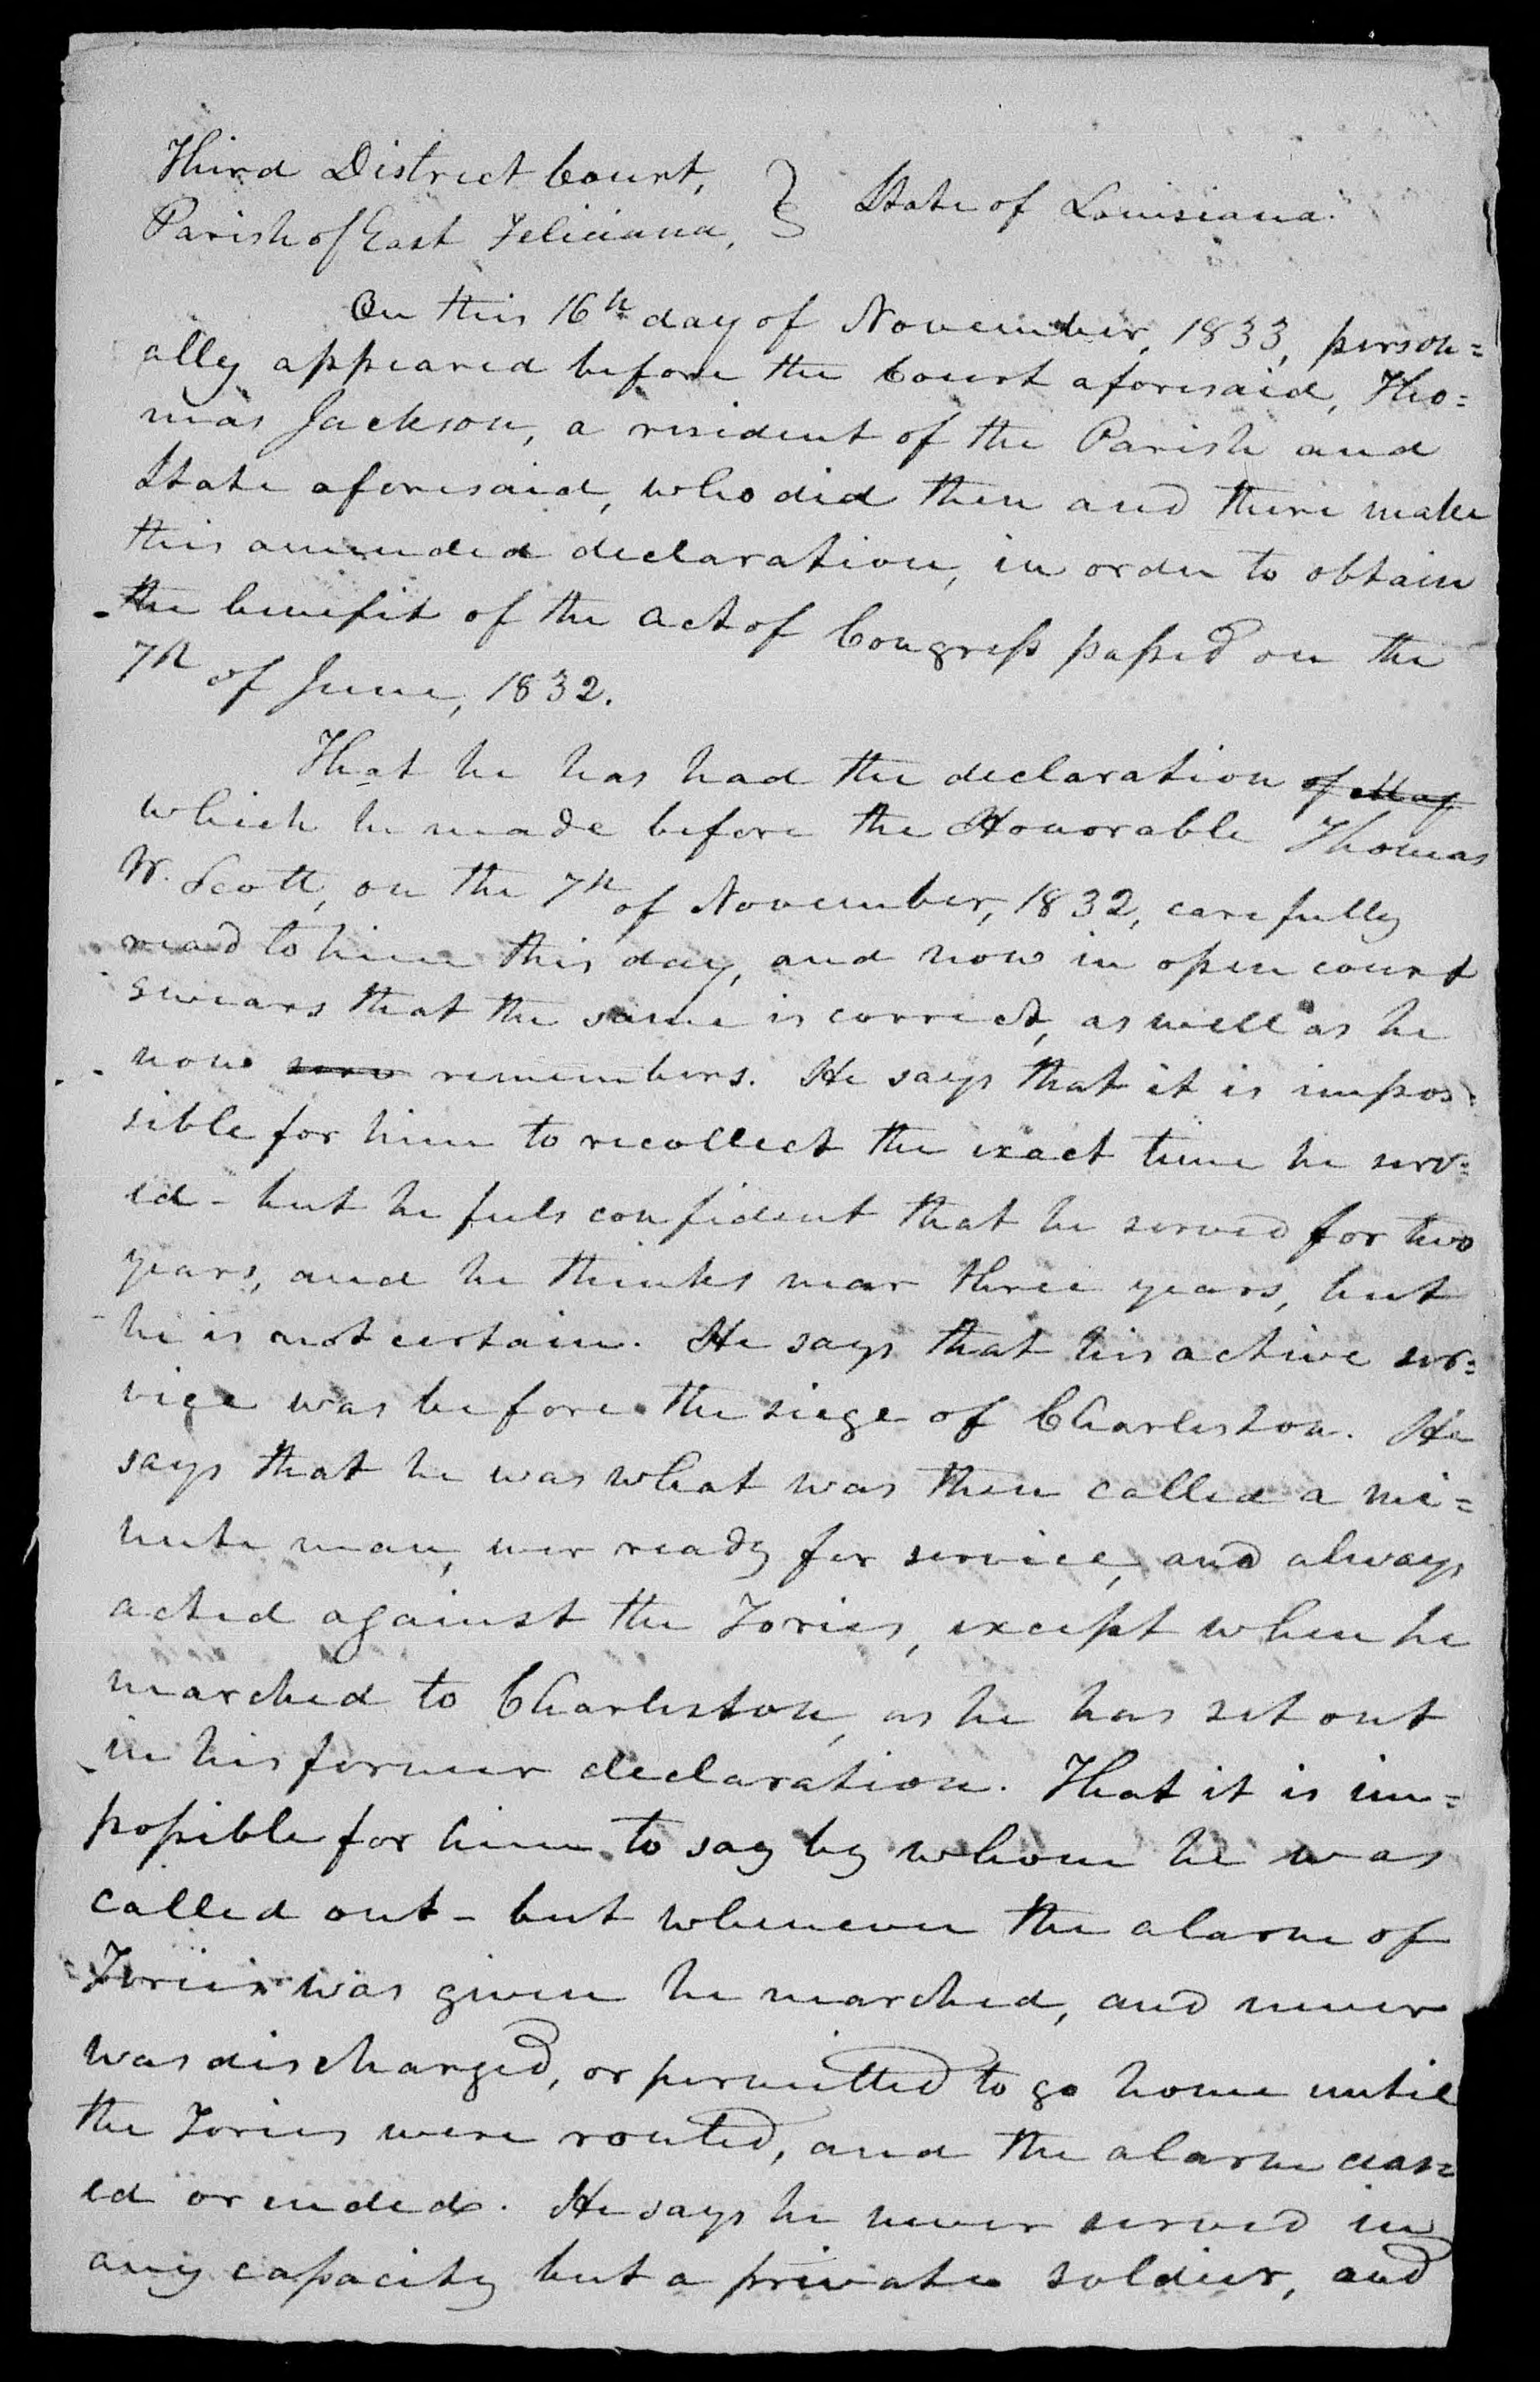Third District Court, )
Parish of East Feliciana ) State of Louisiana
On this 16th day of November, 1833, personally 
appeared before the Court aforesaid, Thowas 
Jackson, a resident of the Parish and
State aforesaid, who did then and there make
this amended declaration, in order to obtain
the benefit of the act of Congress passed on the
7th of June 1832.
That he has had the declaration 
which he made before the Honorable Thomas
W. Scott on the 7th of November, 1832, carefully
read to him this day, and now in open court
swears that the same is correct as well as he
now remembers. He says that it is impossible 
for him to recollect the exact time he served
but he feels confident that he served for two
years, and he thinks near three years, but
he is not certain. He says that his active service
was before the siege of Charleston. He
says that he was what was then called a minute
man was ready for service, and always
acted against the Tories, except when he
marched to Charleston as he has set out
in his former declaration. That it is impossible 
for him to say by whom he was
called out, but whenever the alarm of
Tories was given he marched, and never
was discharged, or permitted to go home until
the Tories were routed, and the alarm [illegible]
or ended. He says he never served in 
any capacity but a private soldier, and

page: 8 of 54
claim: survivor's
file: S. 31166, for Thomas Jackson, South Carolina